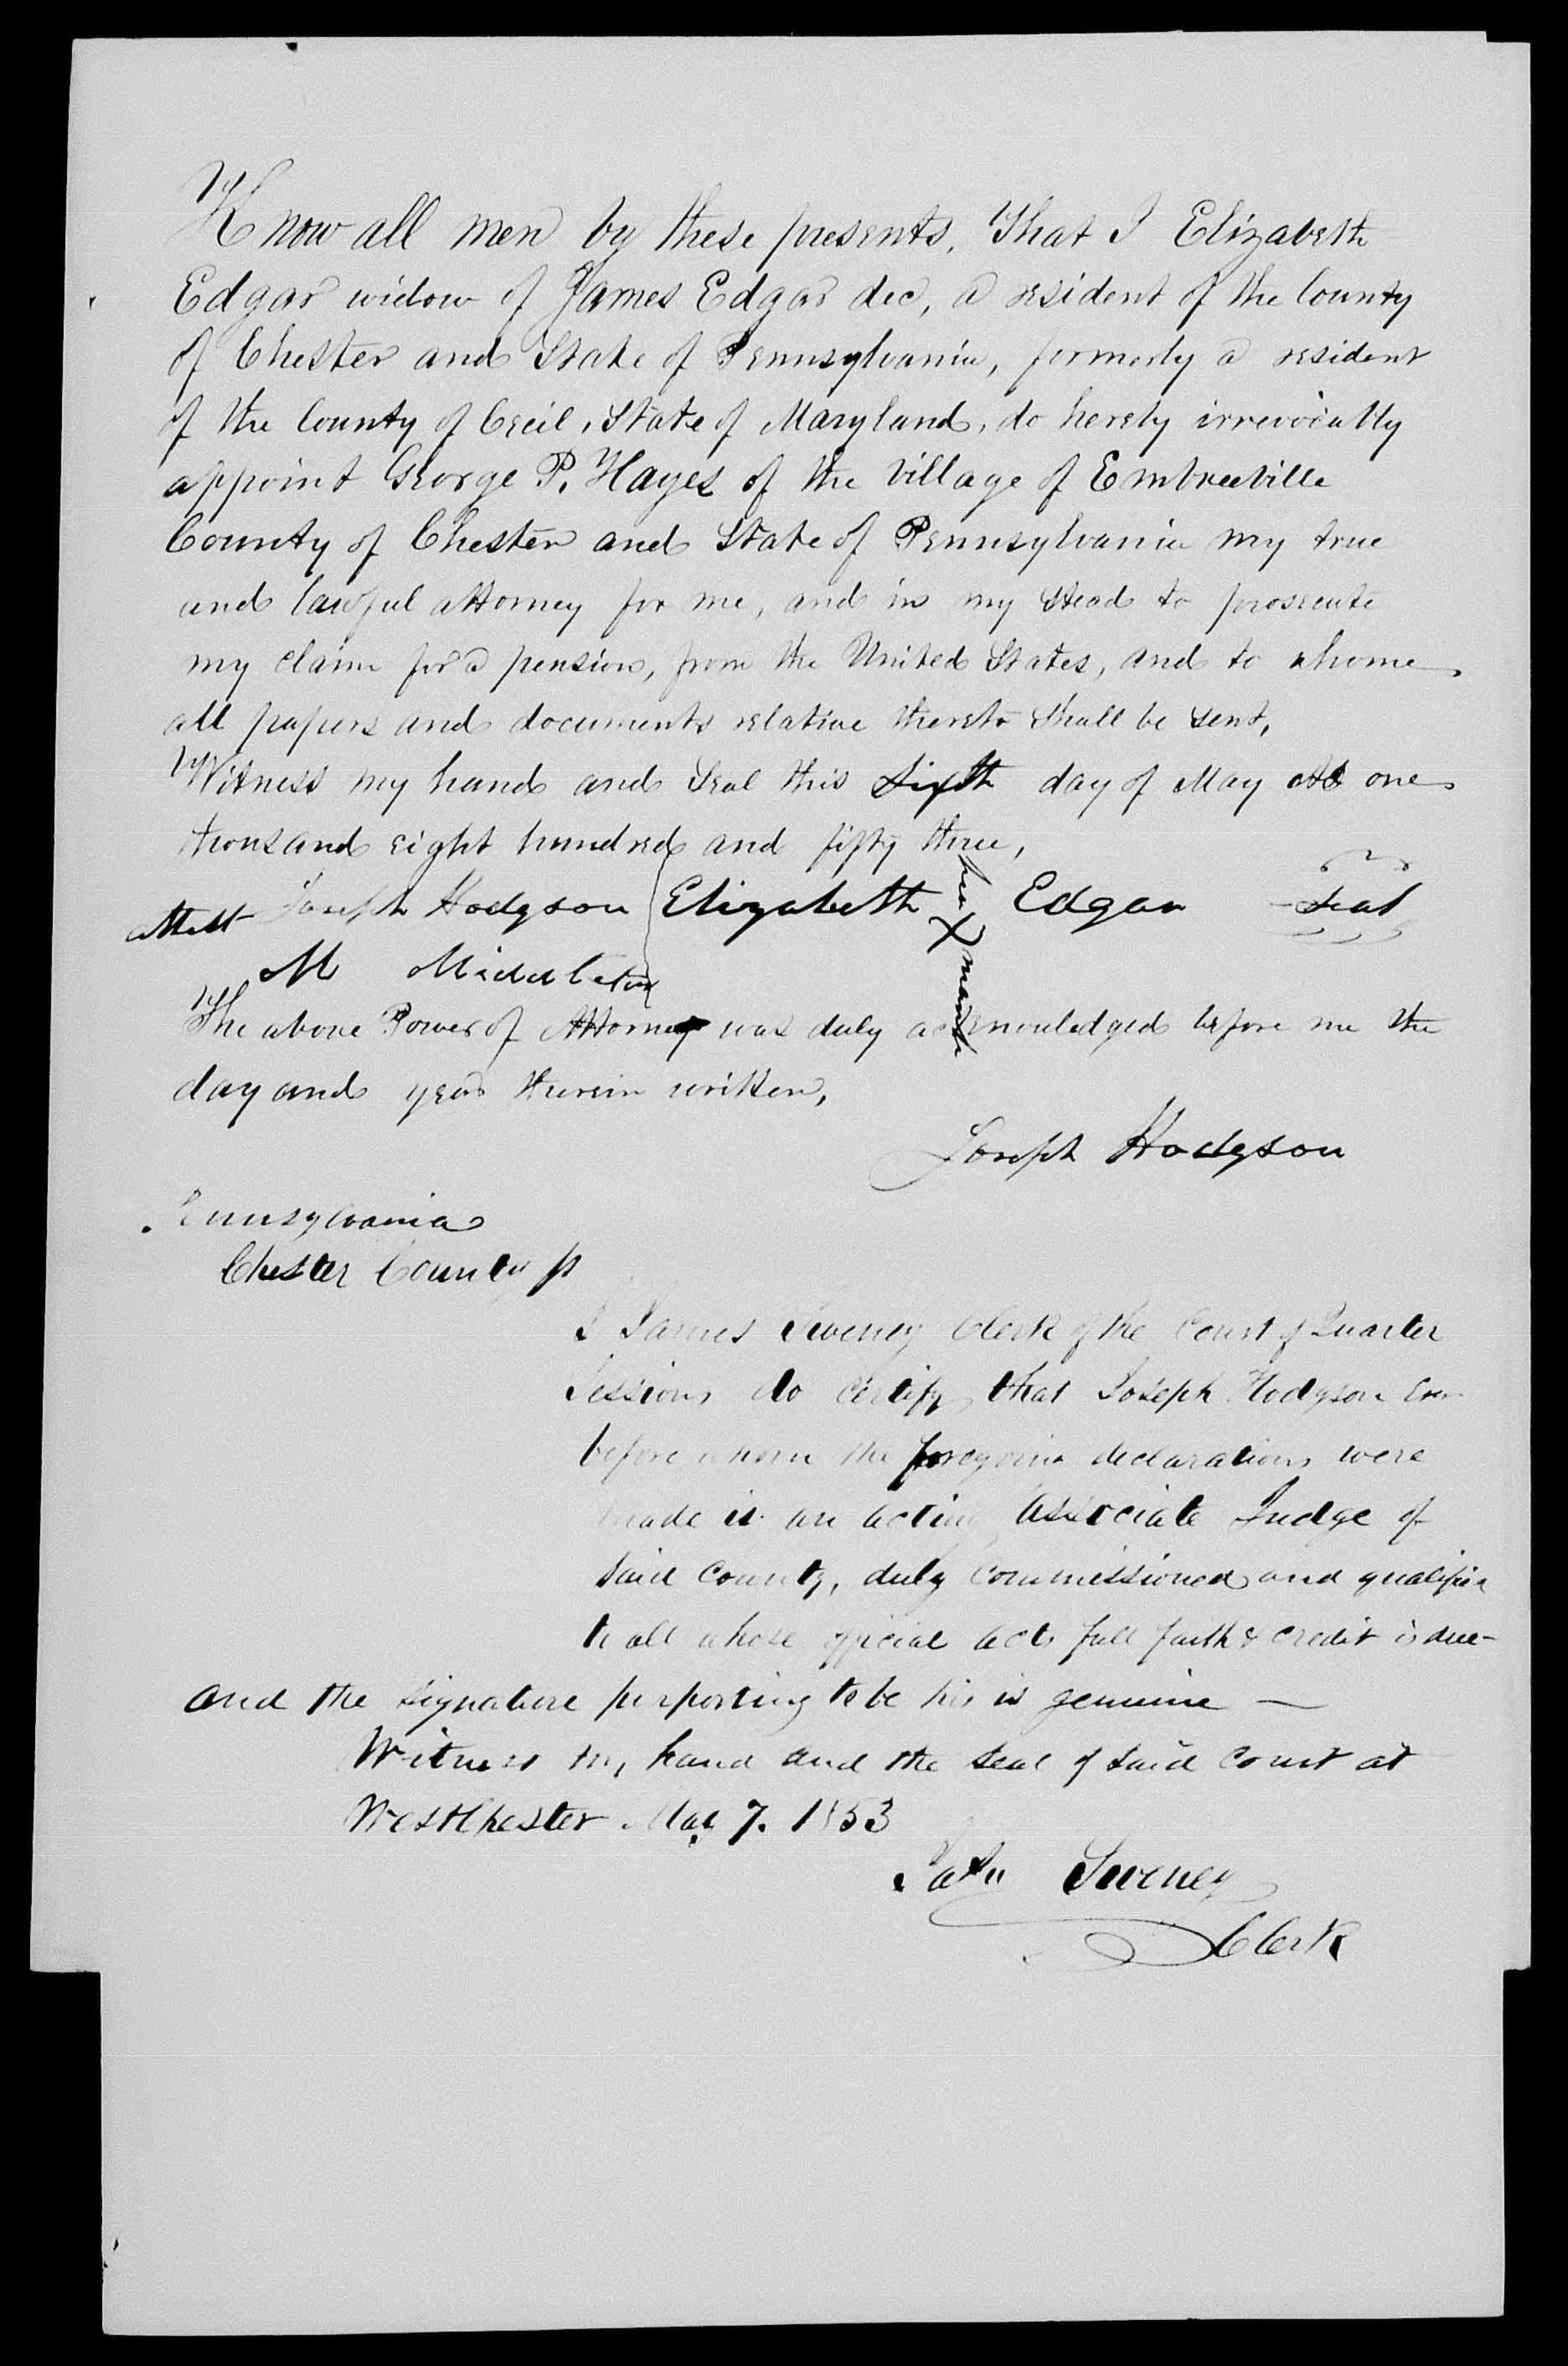To Know all men by these presents, That I Elizabeth
Edgar widow of James Edgar dec, a resident of the County
of Chester and State of Pennsylvania, formerly a resident
of the County of Cecil, State of Maryland, do hereby irrevocably
appoint George P. Hayes of the village of Embreeville
County of Chester and State of Pennsylvania my true
and lawful attorney for me, and in my head to prosecute
my claim for pension, from the United States, and to whom
all papers and documents relative thereto shall be sent,
Witness my hand and seal this sixth day of May AD one
thousand eight hundred and fifty three,
that Joseph Hodgson  Elizabeth Edgar (seal)
M Middleton

The above power of Attorney was duly acknowledged before me the
day and year therein written,
Joseph Hodgson

Pennsylvania
Chester County ss

I James Sweney Clerk of the Court of Quarter
sessions to certify that Joseph Hodgson Esq
before whom the foregoing declarations were
made is an acting Associate Judge of
said County, duly commissioned and qualified
to all whose official acts full faith & credit is due and
the signature purporting to be his is genuine-
Witness my hand and the seal of said Court at
Northhester Mar 7. 1853
James Sweney
Clerk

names: James Sweney, Jas Sweney, James Edgar, Joseph Hodgson, Elizabeth Edgar, Joseph Hodgson, M Middleton, George P Hayes, Elizabeth Edgar, Joseph Hodgson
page: 16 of 74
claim: widow's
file: W. 9422, James Edgar, Penn.